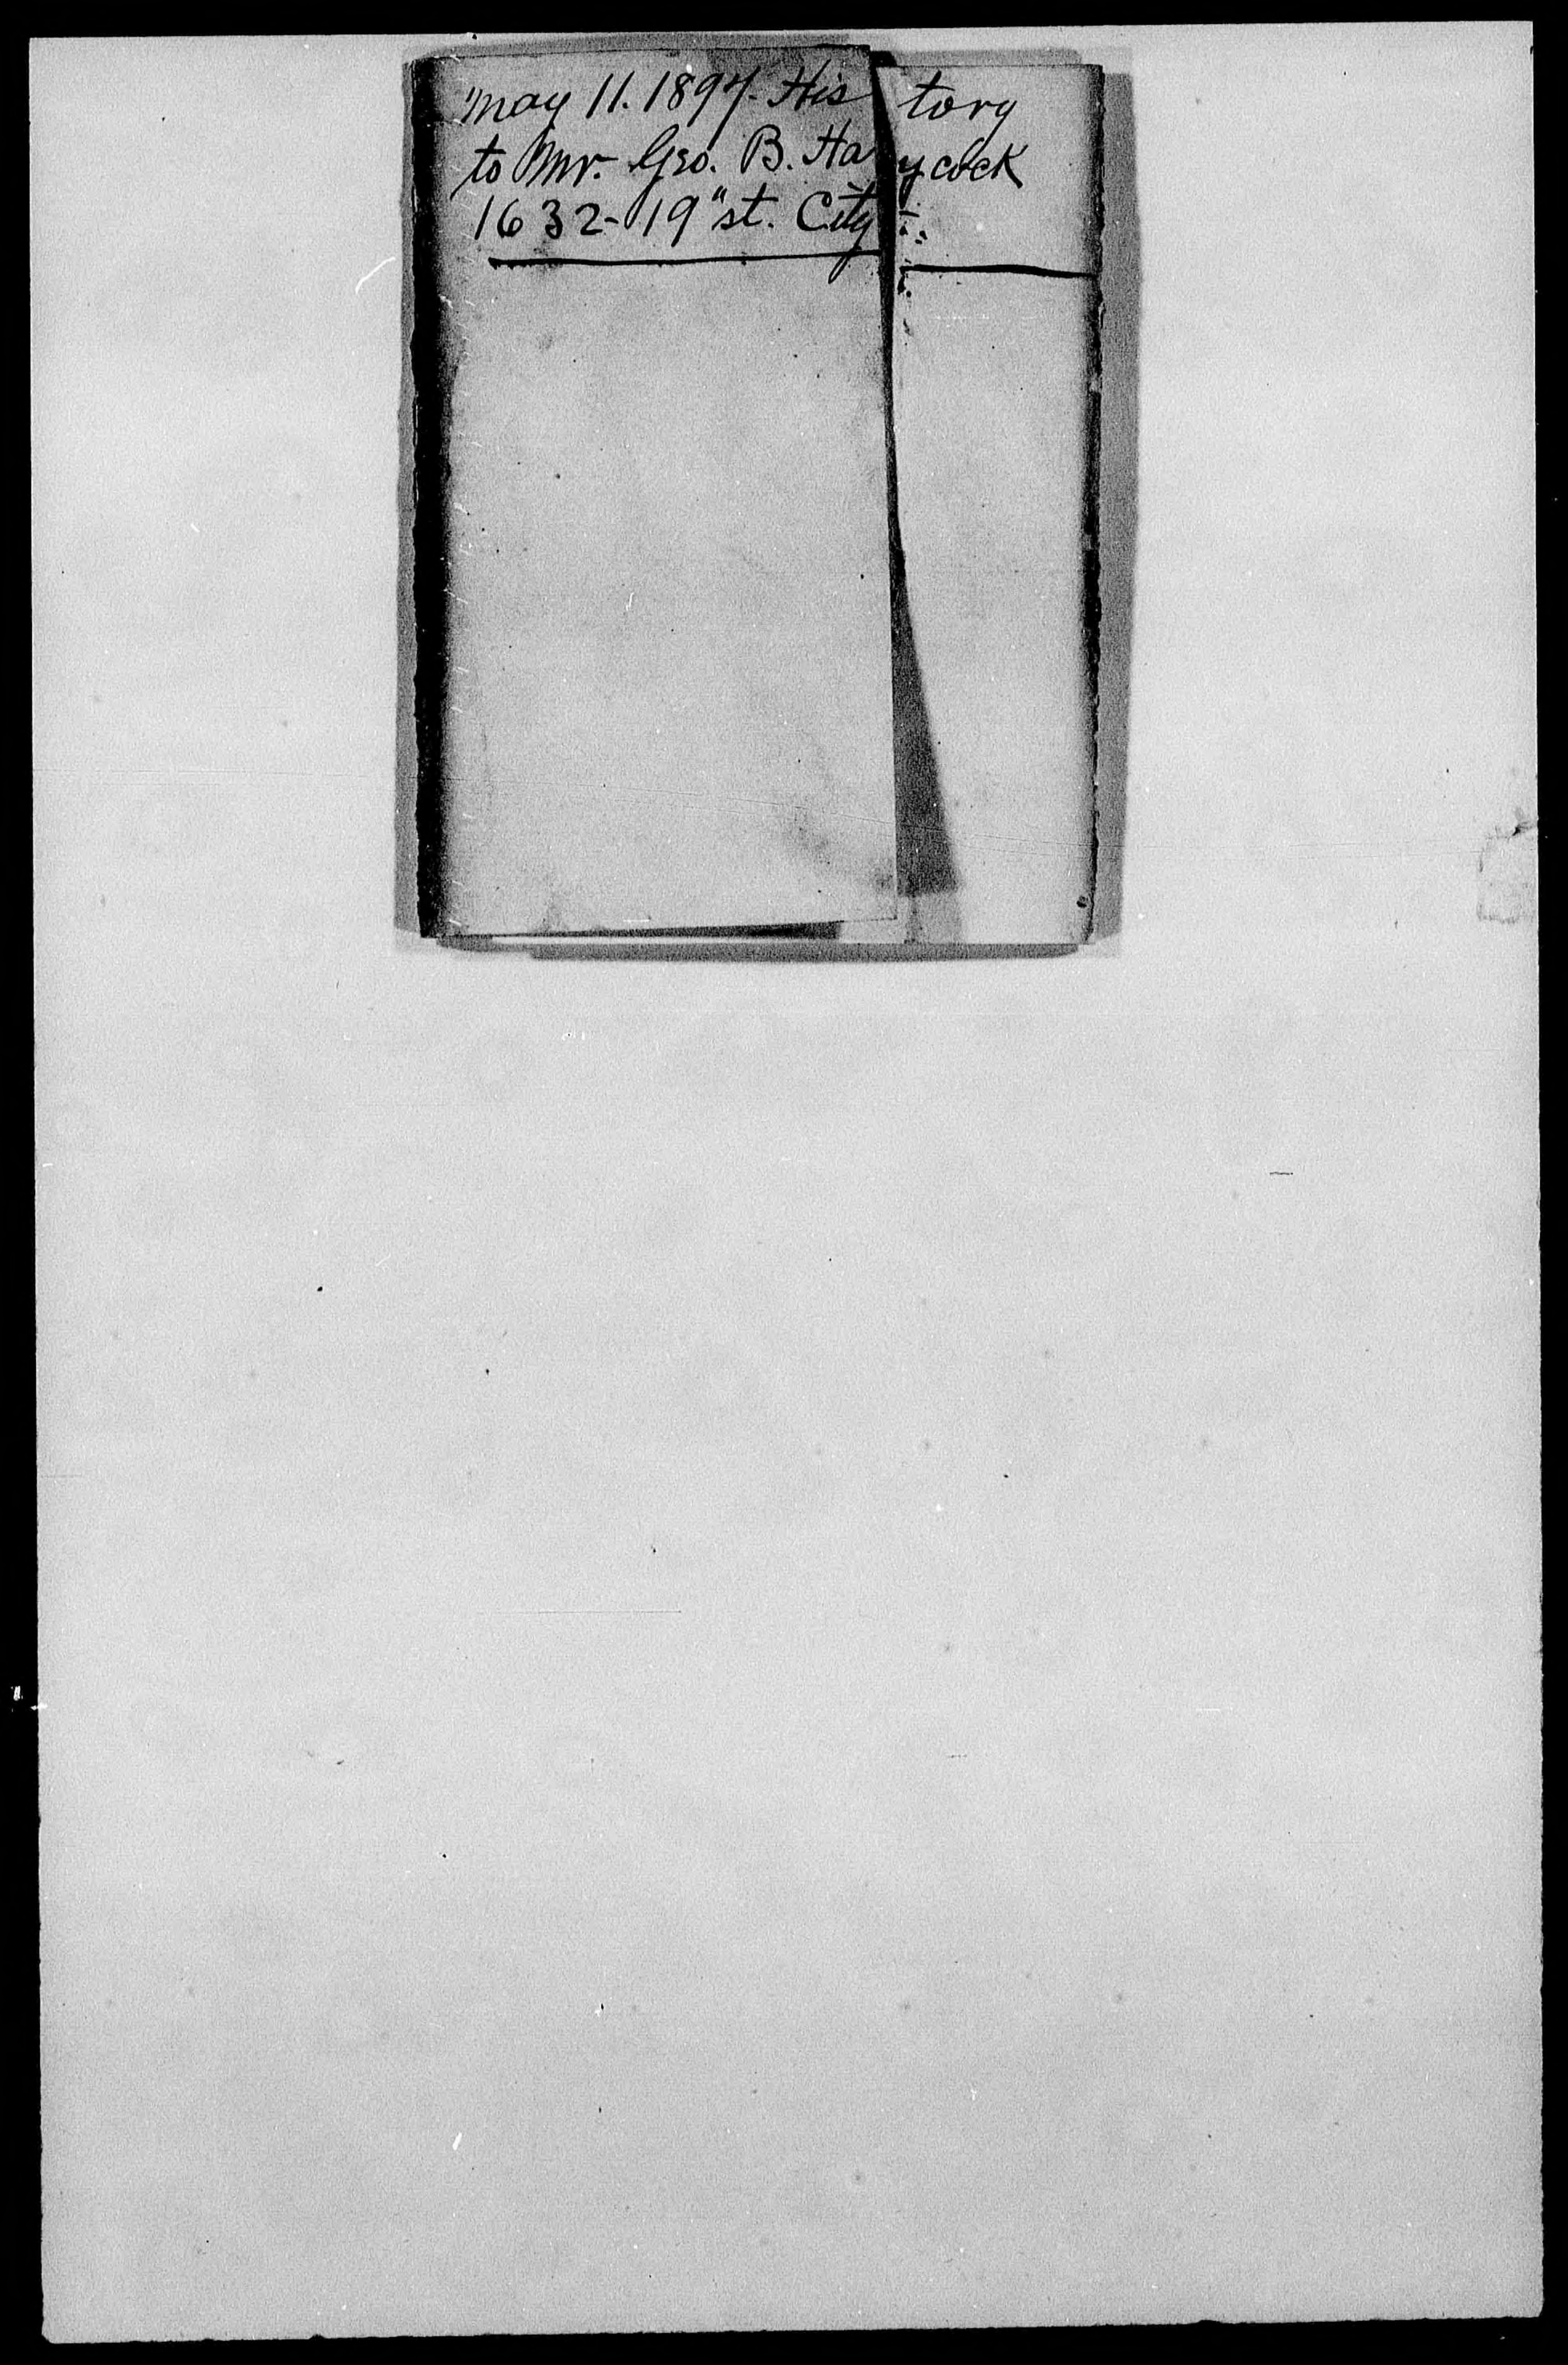May 11. 1897. History
to Mr. Geo. B. Haycock
1632 - 19th st. City -
---------------------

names: Geo B Haycock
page: 18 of 28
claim: survivor's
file: S. 17376, Joseph Damon, Continental Mass.